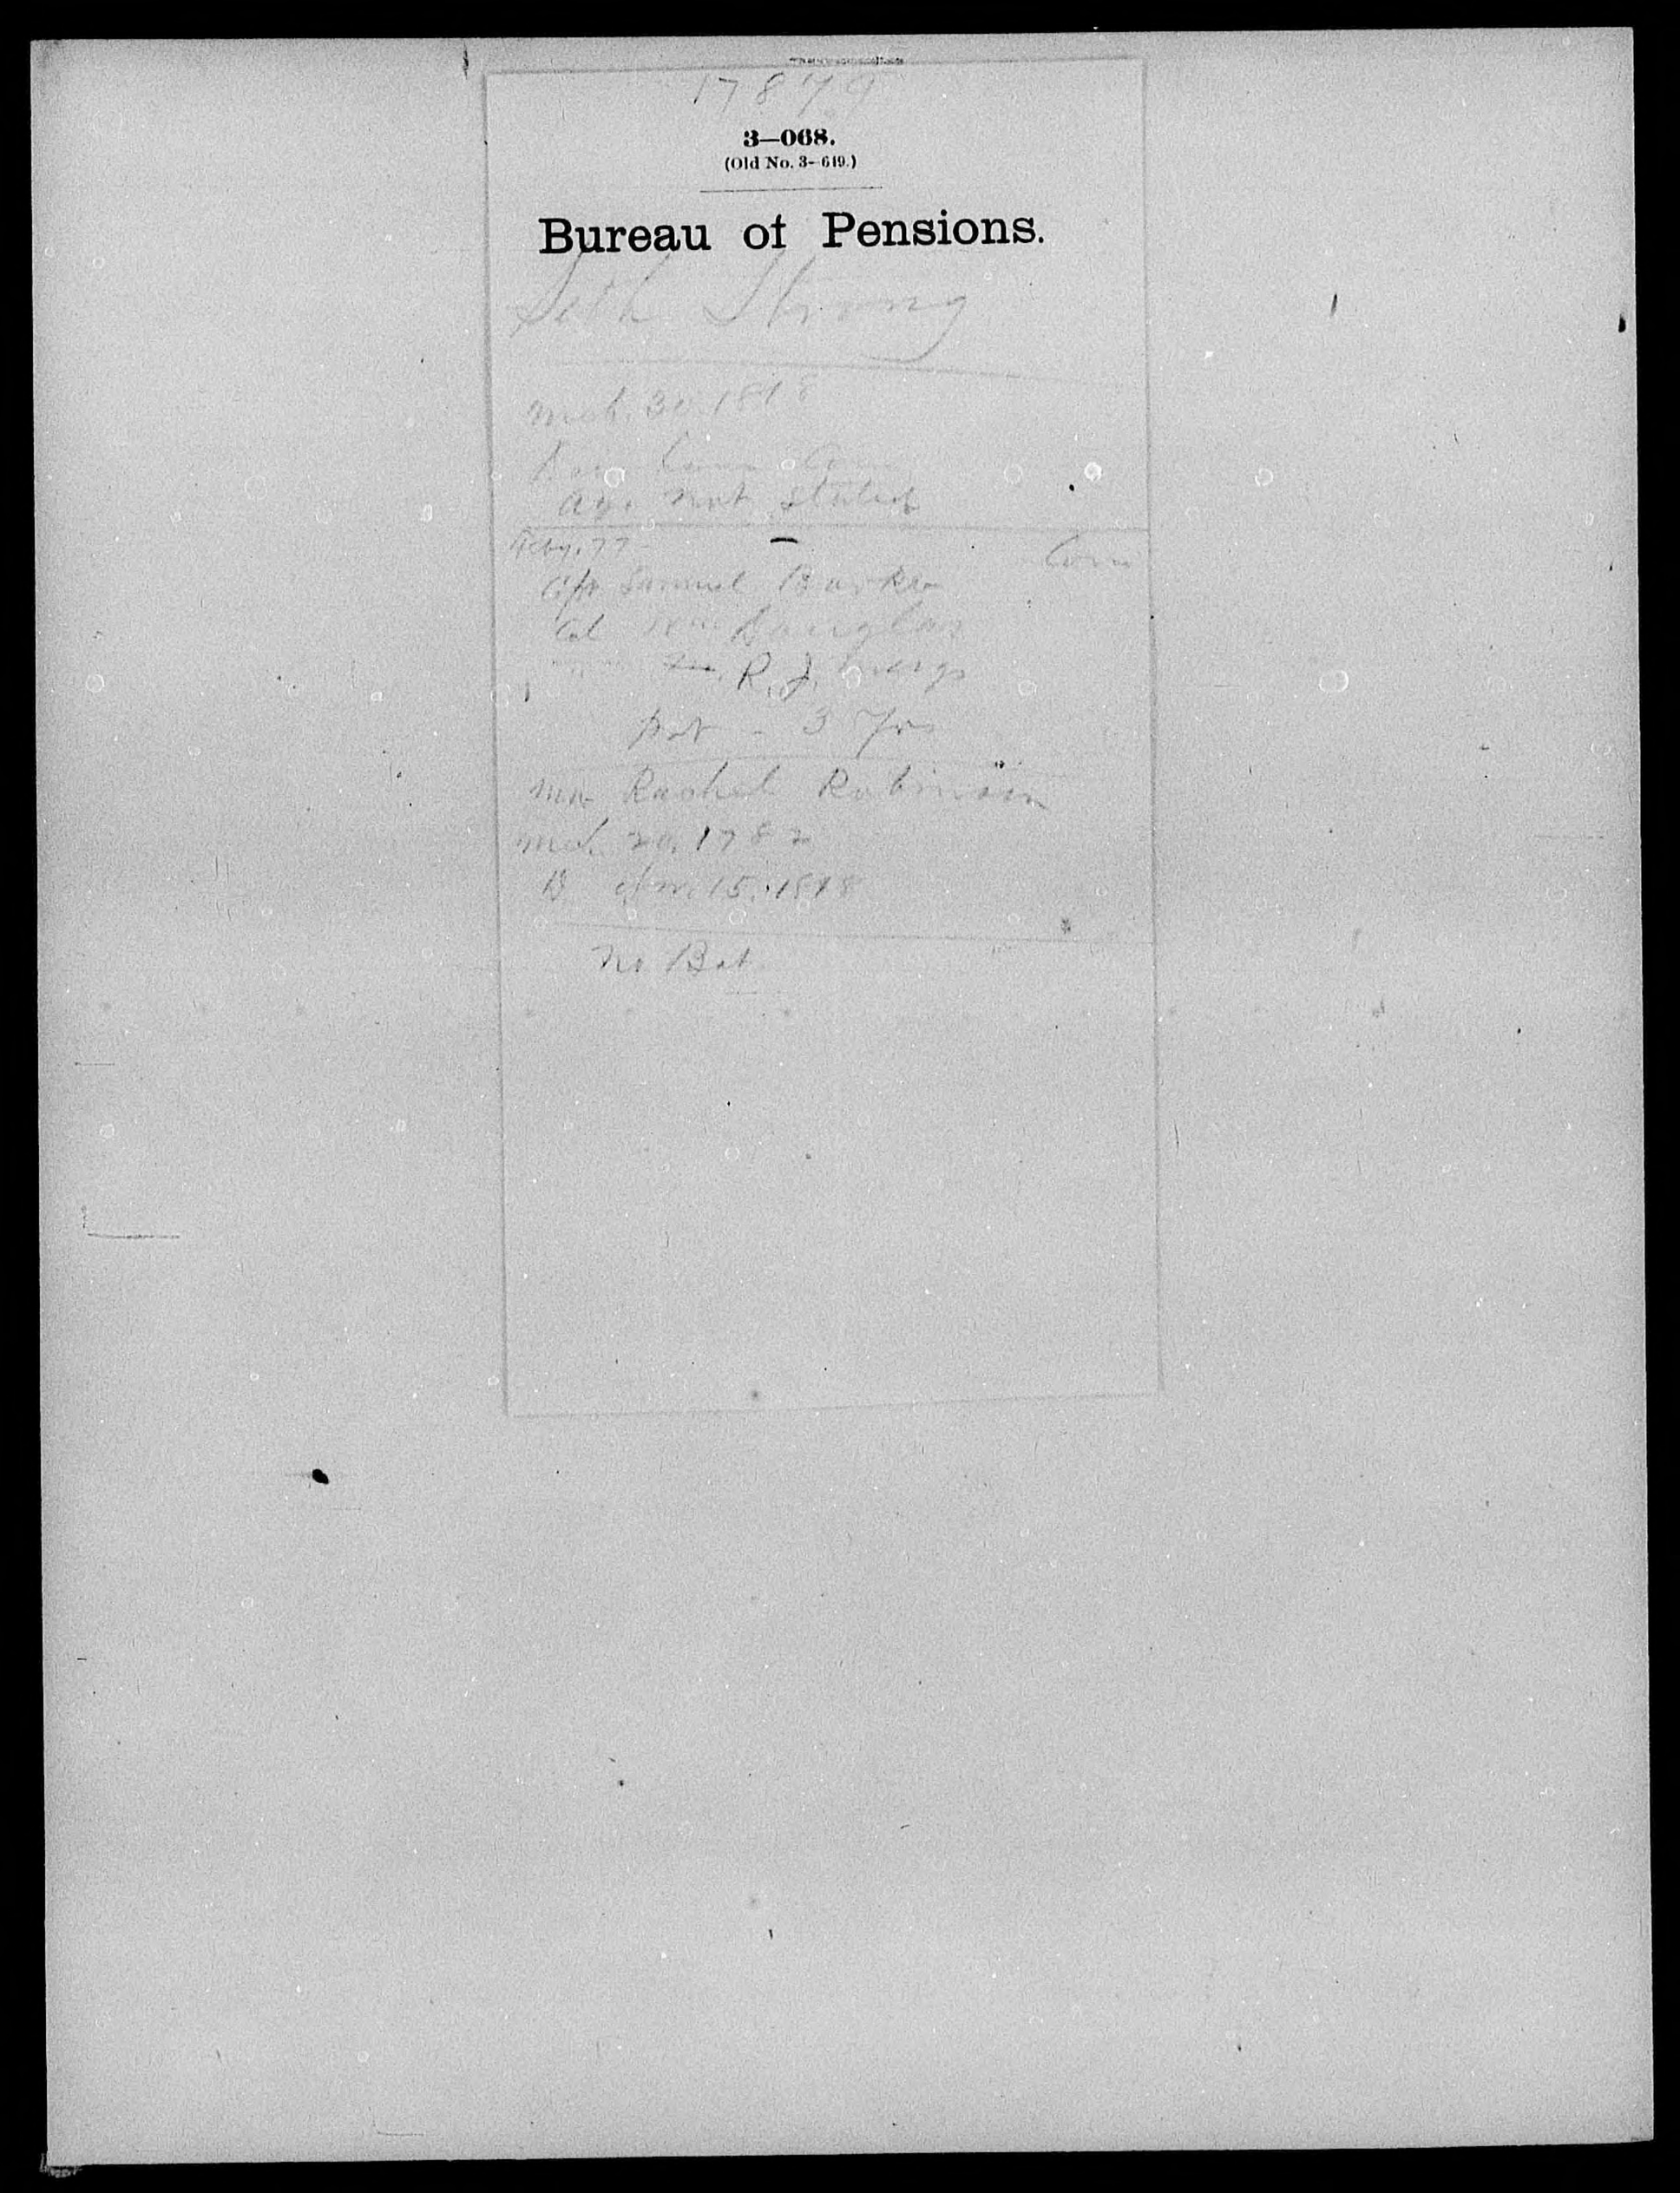17879

3-068.
(Old No. 3-619.)

Bureau of Pensions.

Seth Strong

Mch 30 1818
Durham Conn
Age not stated

Feby. 77   Com
Capt Samuel Barker
Col Wm Douglas
R. J. Meigs
[Illegible] - 3 Yrs

Mar Rachel Robinson
Mch 20, 1782
D. Nov. 15, 1818

No Bal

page: 22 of 47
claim: widow's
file: W. 17879, for Seth Strong, Connecticut